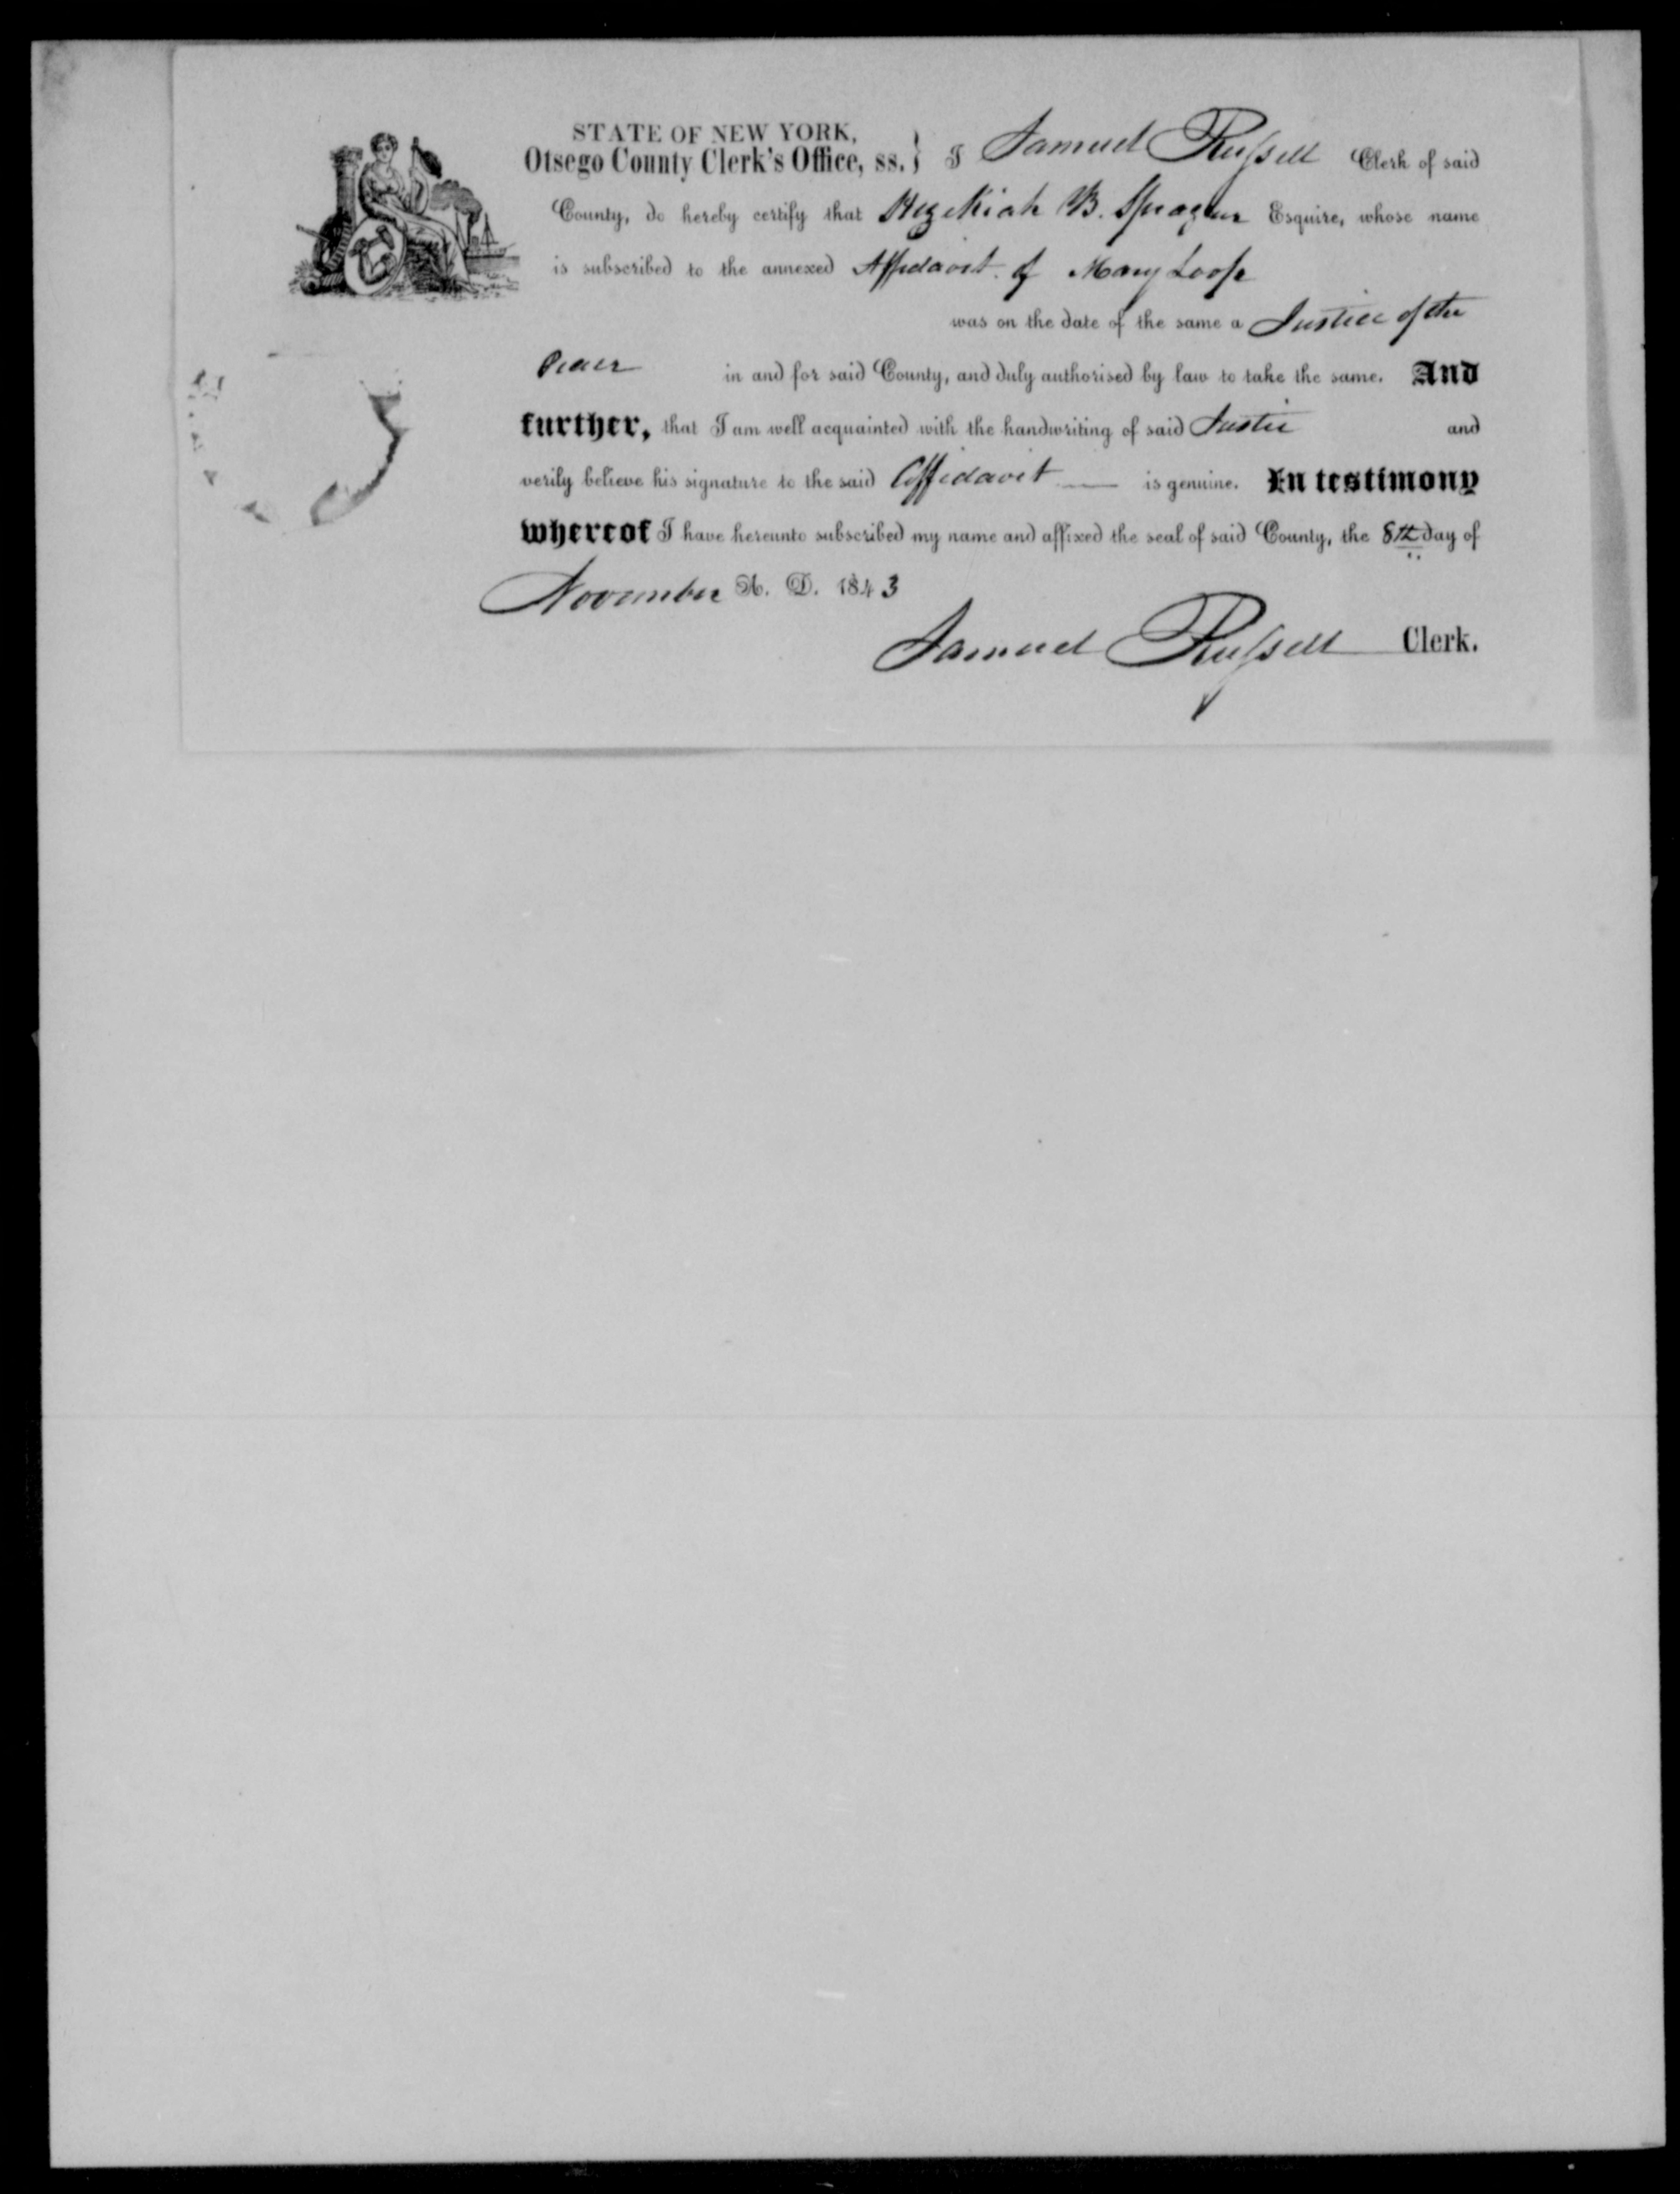STATE OF NEW YORK,}
Otsego County Clerk's Office, ss.}

I Samuel Russell Clerk of said County, do hereby certify that Hezekiah B. Sprague Esquire, whose name is subscribed to the annexed Affidavit of Mary Loop was on the date of the same a Justice of the Peace in and for said County, and duly authorized by law to take the same, And further, that I am well acquainted with the handwriting of said Justice and verily believe his signature to the said Affidavit----is genuine. In testimony whereof I have hereunto subscribed my name and affixed the seal of said County, the 8th day of November A.D. 1843

Samuel Russell Clerk.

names: Samuel Russell, Hezekiah B Sprague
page: 25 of 63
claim: widow's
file: W. 18403, David White, Conn.